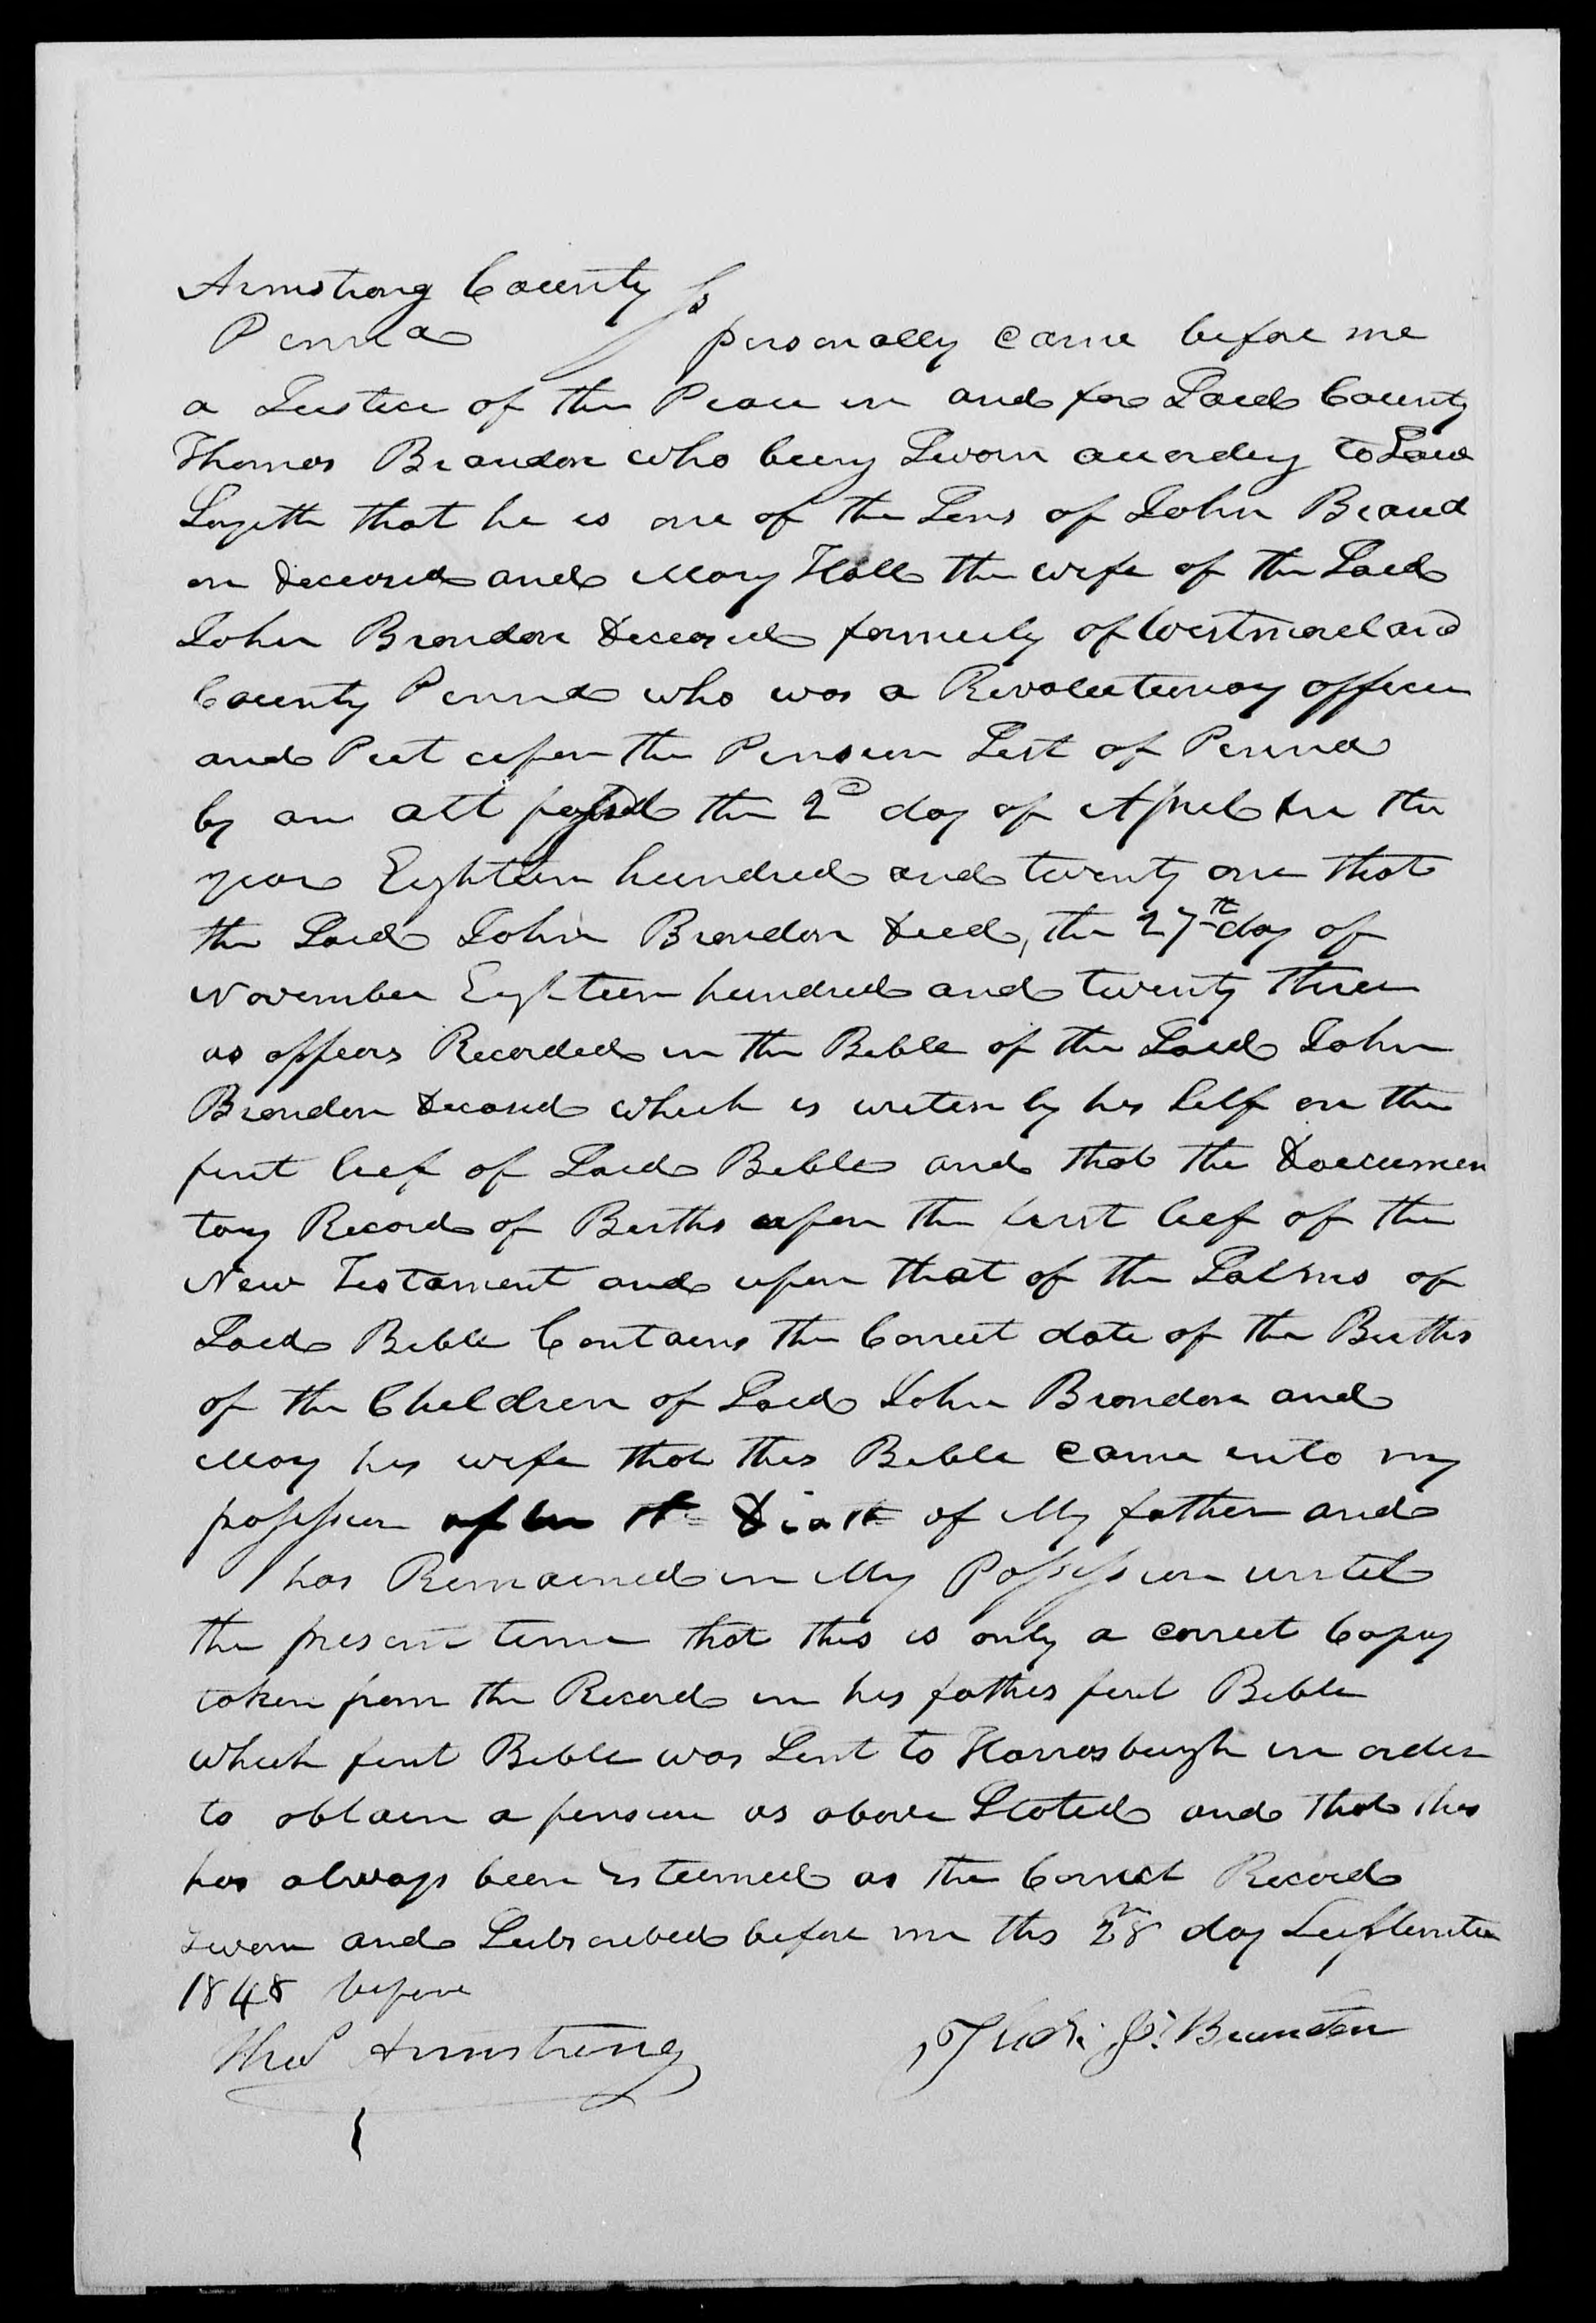Armstrong County
Penna ss personally came before me a Justice of the Peace in and for Said County Thomas Brandon who being Sworn according to Law Sayeth that he is one of the Sons of John Brandon deceased and Mary Hall the wife of the Said John Brandon deceased formerly of Westmoreland County Penna who was a Revolutionary officer and put upon the Pension List of Penna by an act passed the 2d day of April in the year Eighteen hundred and twenty one that the Said John Brandon died, the 27th day of November Eighteen hundred and twenty three as appears Recorded in the Bible of the Said John Brandon deceased which is writen [written] by his Self on the first leaf of Said Bible and that the documentary Records of Births upon the first leaf of the New Testament and upon that of the Psalms of Said Bible Contains the Court date of the Births of the Children of Said John Brandon and Mary his wife that this Bible came into my possession after the death of My father and has Remained in My Possession until the present time that this is only a correct Copy taken from the Record in his fathers first Bible which first Bible was Sent to Harrisburgh in order to obtain a pension as above Stated and that this has always been Esteemed as the Court Record
Sworn and Subscribed before me this 28th day September 1848 before
Thos Armstrong        Thos. J. Brandon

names: John Brandon, Thos J Brandon, John Brandon, Mary, Thos Armstrong, John Brandon, John Brandon, John Brandon, Mary Hall, Thomas Brandon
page: 20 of 83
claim: widow's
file: W. 5946, John Brandon, Penn